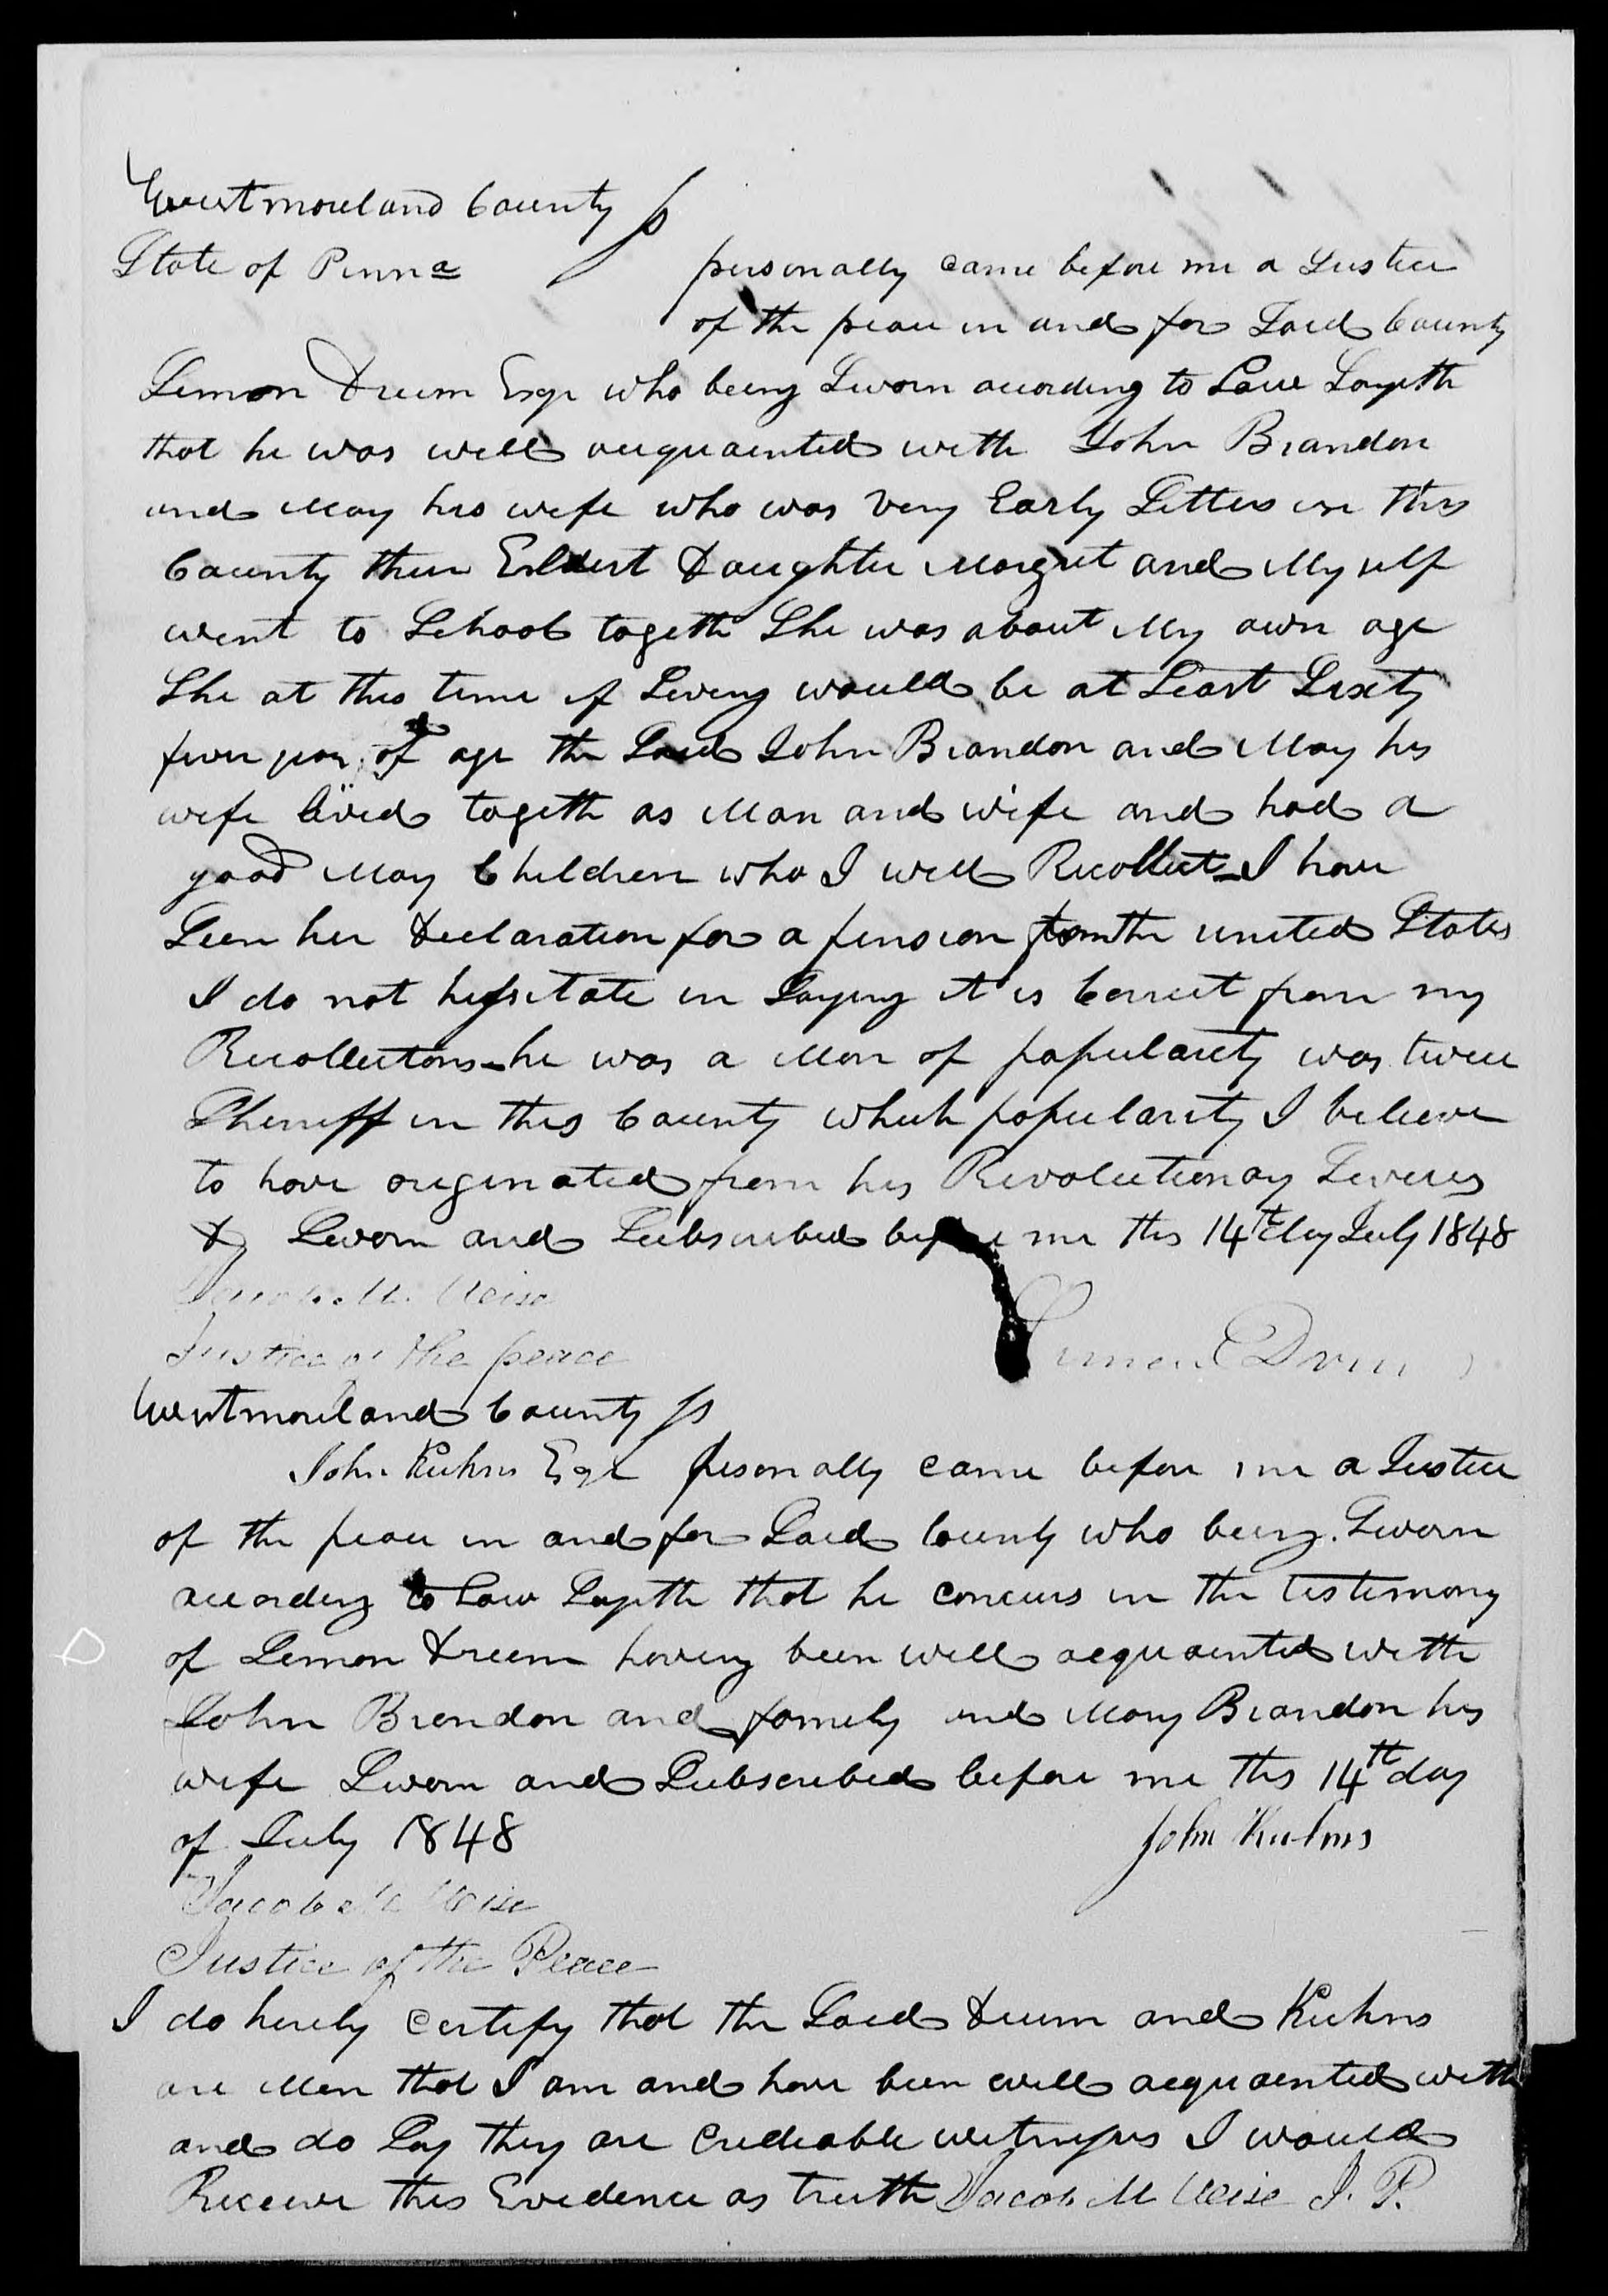Westmoreland County 
State of Penna ss
personally came before me a Justice of the peace in and for said County Simon Drum Esq who being Sworn according to Law Sayeth that he was well acquainted with John Brandon and Mary his wife who was very early Setlers [Settlers] in this County their Eldest Daughter Margret and My wife went to school together She was about my own age she at this time of living would be at least sixty four years of age the Land John Brand and Mary his wife lived togeth [together] as man and wife and had a good many children who I well Recollect - I have seen her declaration for a pension from the United States I do not hesitate in saying it is correct from my Recollections - he was a man of popularity was twice Sheriff in this County which popularity I believe to have originated from his Revolutionary Service 
Simon Drum
Sworn and Subscribe before me this 14th day July 1848
David M. Wise
Justice of the peace
Westmoreland County ss
John Kuhns Eq personally came before me a Justice of the peace in and for Said County who being sworn according to Law Sayeth that he concurs in the testimony of Simon Drum having been well acquainted with John Brandon and family and Mary Brandon his wife Sworn and Subscribed before me this 14th day of July 1848
Jacob M Wise
Justice of the Peace
John Kuhns
I do hereby certify that the said Drum and Kuhns are Men that I am and have been well acquainted with and do Say they are crediable [credible] witnesses  I would Receive this Evidence as truth Jacob M Wise J.P.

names: Jacob M Wise, John Brandon, Simon Drum, John Kuhns, May, John Brandon, Jacob M Wise, John Kuhns, Simon Drm, John Brandon, Jacob M Wise, Mary Brandon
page: 54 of 83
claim: widow's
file: W. 5946, John Brandon, Penn